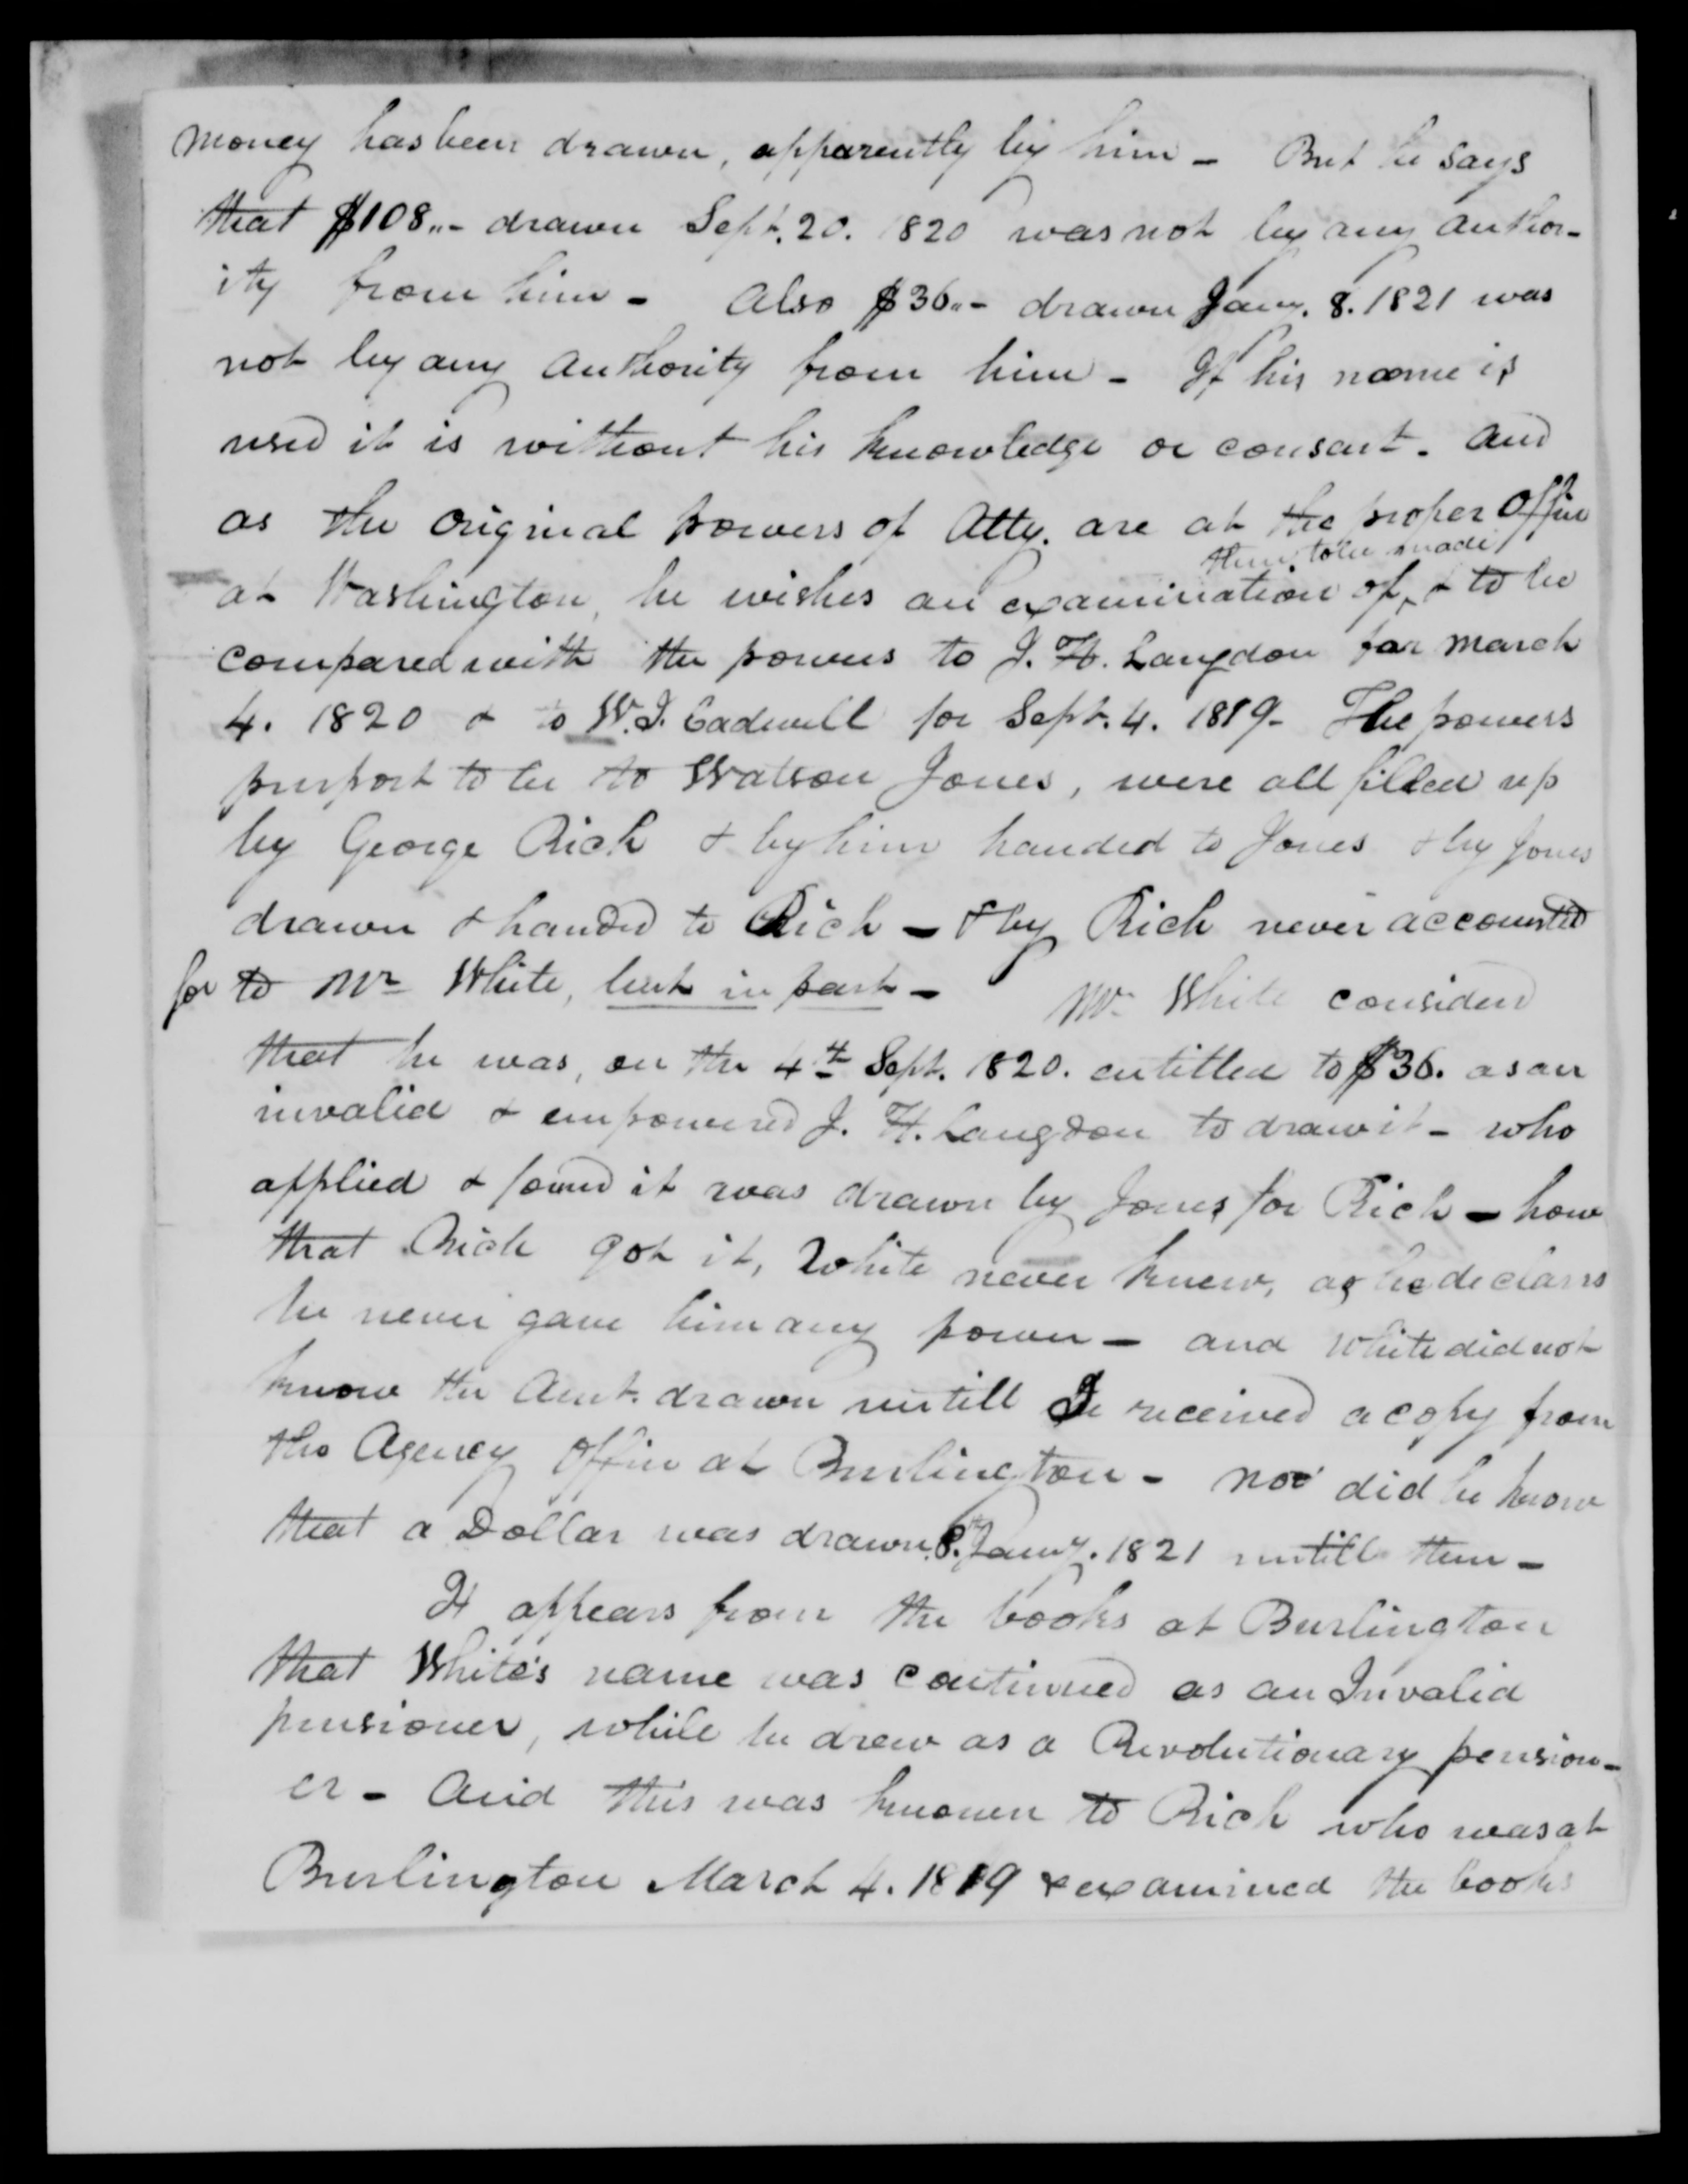money has been drawn, apparently by him--only he says that $108 drawn Sept. 20, 1820 was not by any authority from him. Also $36. drawn Jany. 8, 1821 was not by any authority from him. If his name is used it is without his knowledge or consent and as the original powers of Atty are at the broker Office at Washington, he wishes an examination of ^them to be made & to be compared with the powers to J. H. Langdon for March 4 1820 & to W. J. Cadwell for Sept. 4 1819.
The powers purport to be to Watson Jones, were all filled up by George Rich & by him handed to Jones & by Jones drawn & handed to Rich-& by Rich never accounted for to Mr. White  but in bank (underlined). Mr. White considered that he was, on the 4th Sept. 1820, entitled to $36. as an invalid & empowered J. H. Langdon to draw it-who applied and found it was drawn by Jones for Rich-how that Rich got it, White never knew as he declares he never gave him any power. And White did not know the Amt. drawn untill I received a copy from the Agency office at Burlington, nor did he know that a Dollar was drawn 8 Jany. 1821 untill then.
It appears from the books at Burlington that White's name was continued as an Invalid pensioner while he drew as a Revolutionary pensioner and this was known to Rich who was at Burlington March 4 1819 & examined the books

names: J H Langdon, White, W J Cadwell, Watson Jones, George Rich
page: 43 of 79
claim: survivor's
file: S. 11759, Samuel White, Mass.